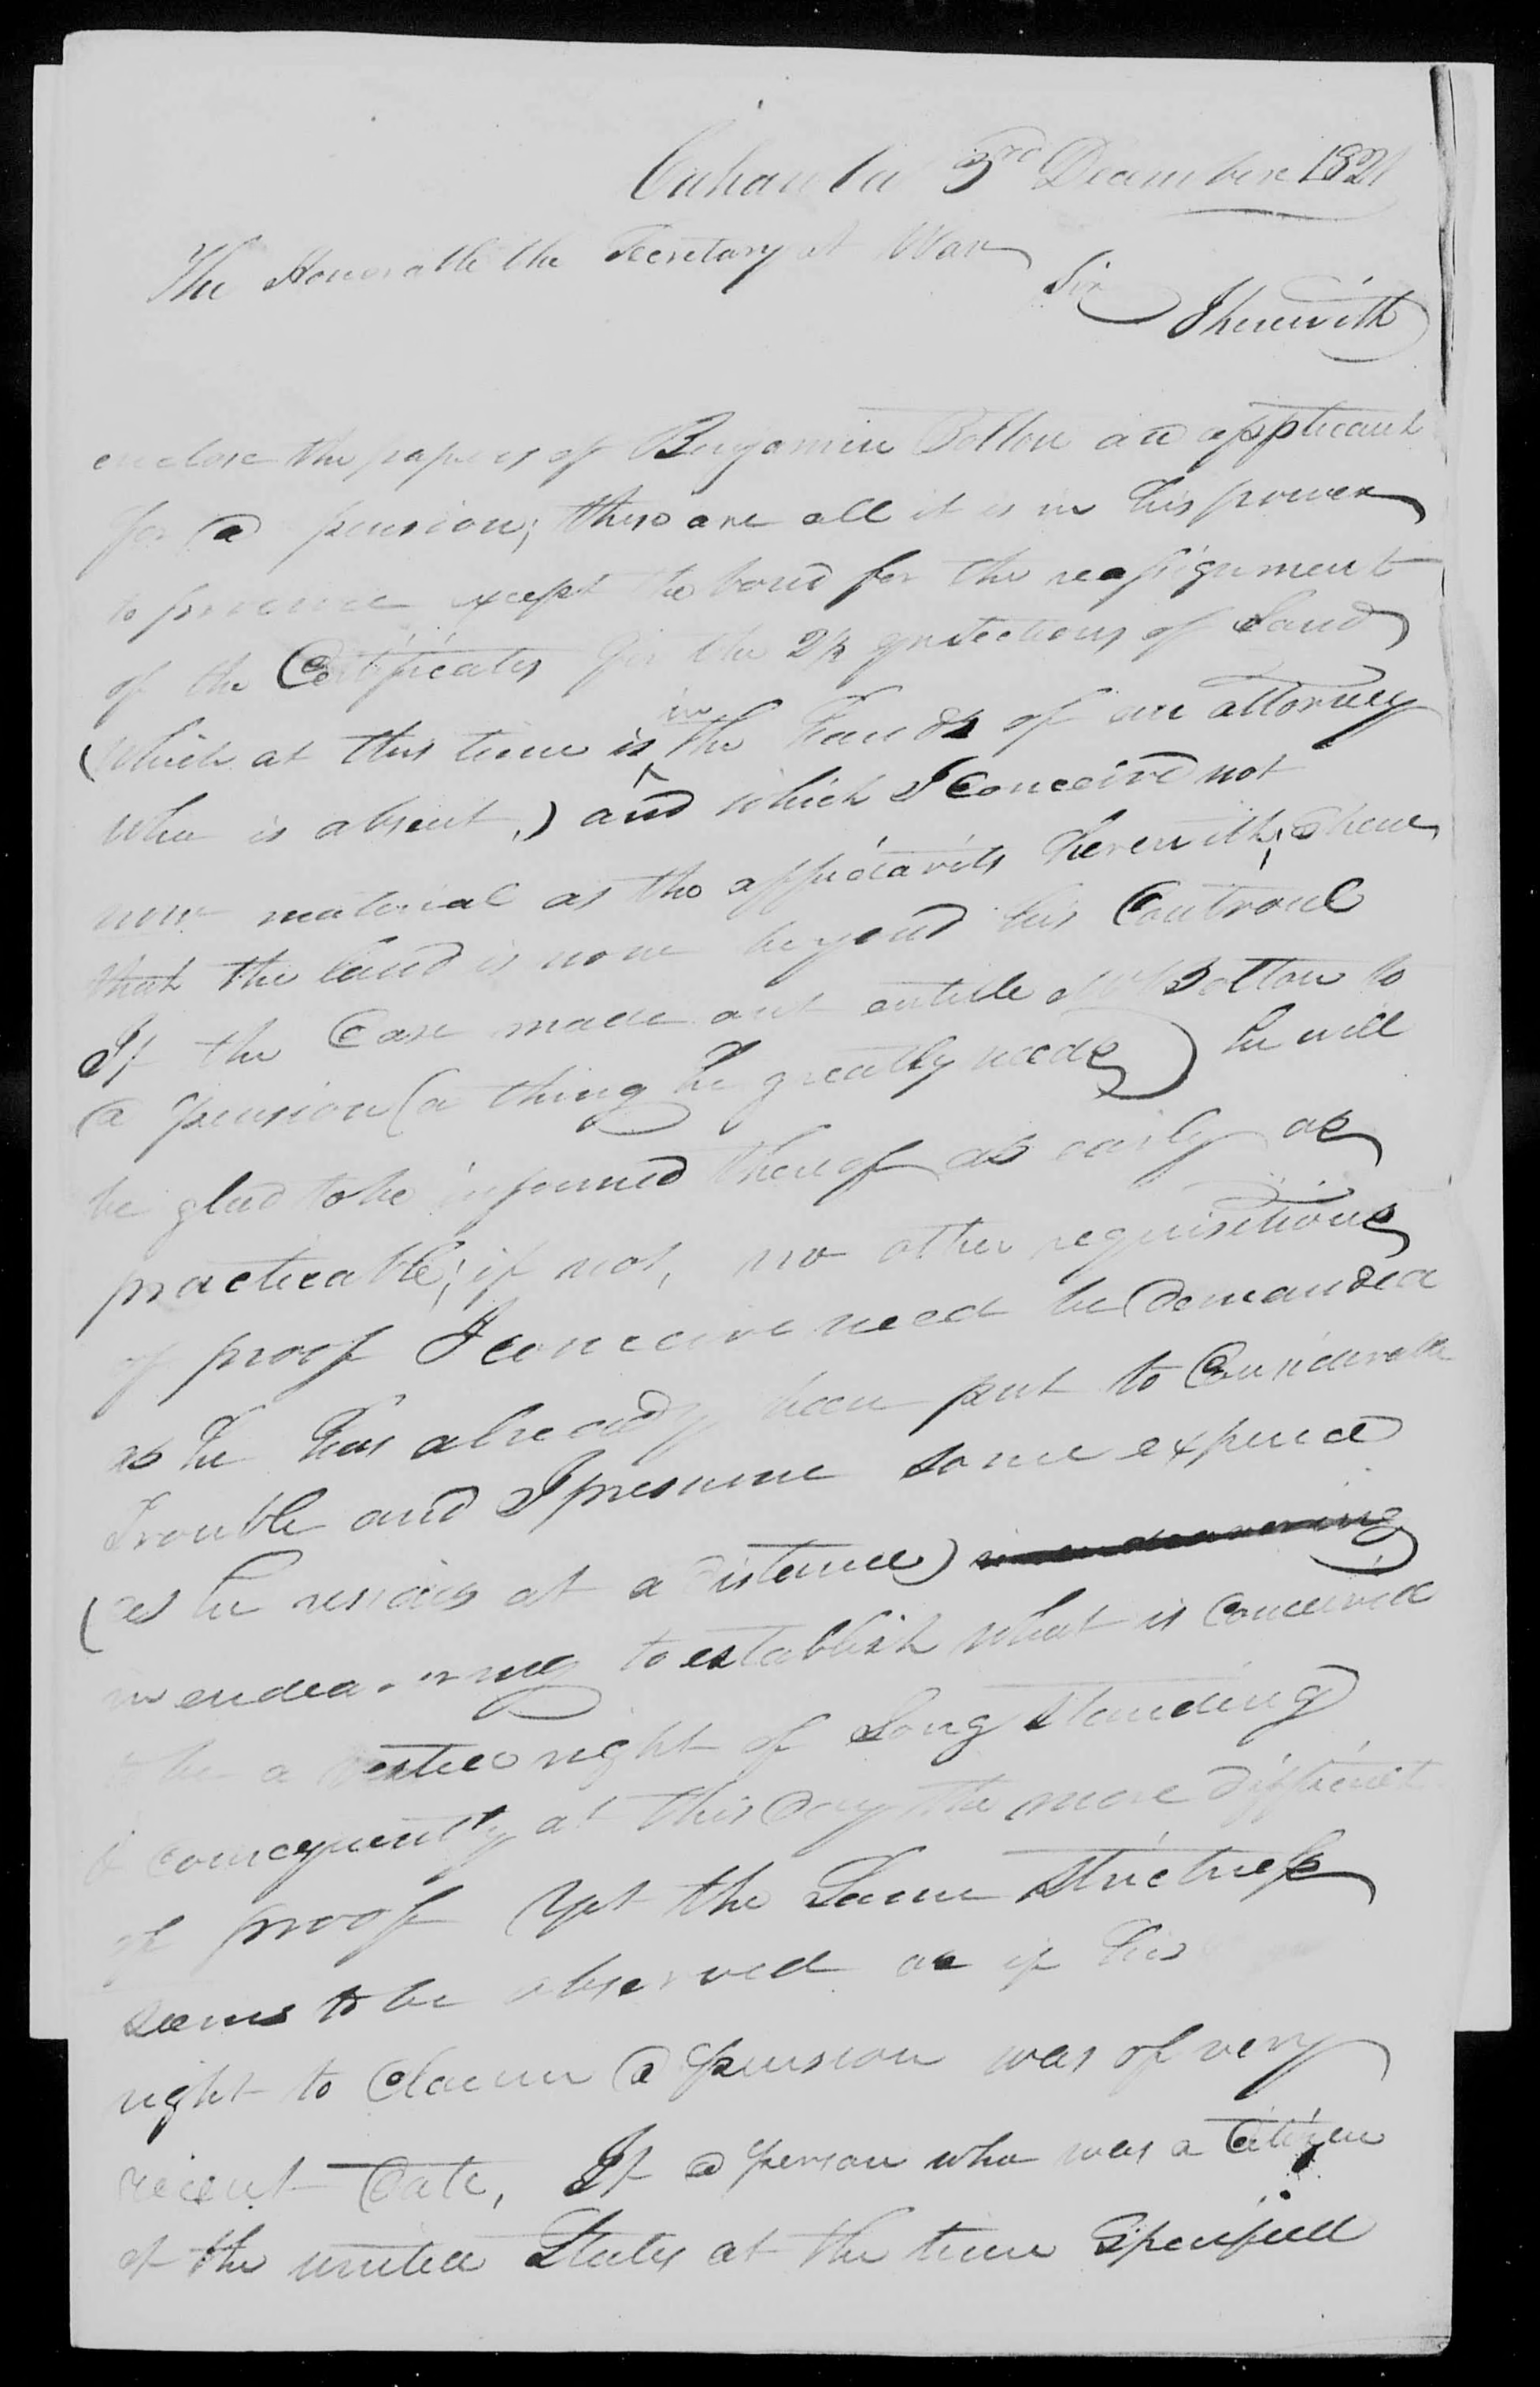[Illegible] 3rd December 1821

The Honorable the Secretary at War
Sir 

Therewith enclose the paper of Benjamin Bolton an applicant for a pension; these are all it is in his power to provide except to bond for the reassignment of the Certificates for the 2 1/2 protections of land (which at this time is in the hands of an attorney who is absent) and which I conceive not now material as tho affidavit herewith said that the land is now beyond his control of the case made and entitle of Bolton to a pension (a thing he greatly needs) he will be glad to be informed thereof as early as practicable, if not, no other requisitions of proof I conceive need be demanded
7
as he has already been put to considerable 
trouble and I presume some expense
(as he resides at a distance)
he ended to establish what is conceived
to be a vested right of long standing
consequently at this day the more difficult of proof yet the decree strictness
seems to be observed as if his
right to claim a pension was of very
recent date.  If a person who was a citizen
of the United States at the time specified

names: Bolton, Jherewith, Benjamin Bolton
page: 25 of 29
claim: survivor's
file: S. 37,795, Benjamin Bolton, N.C.